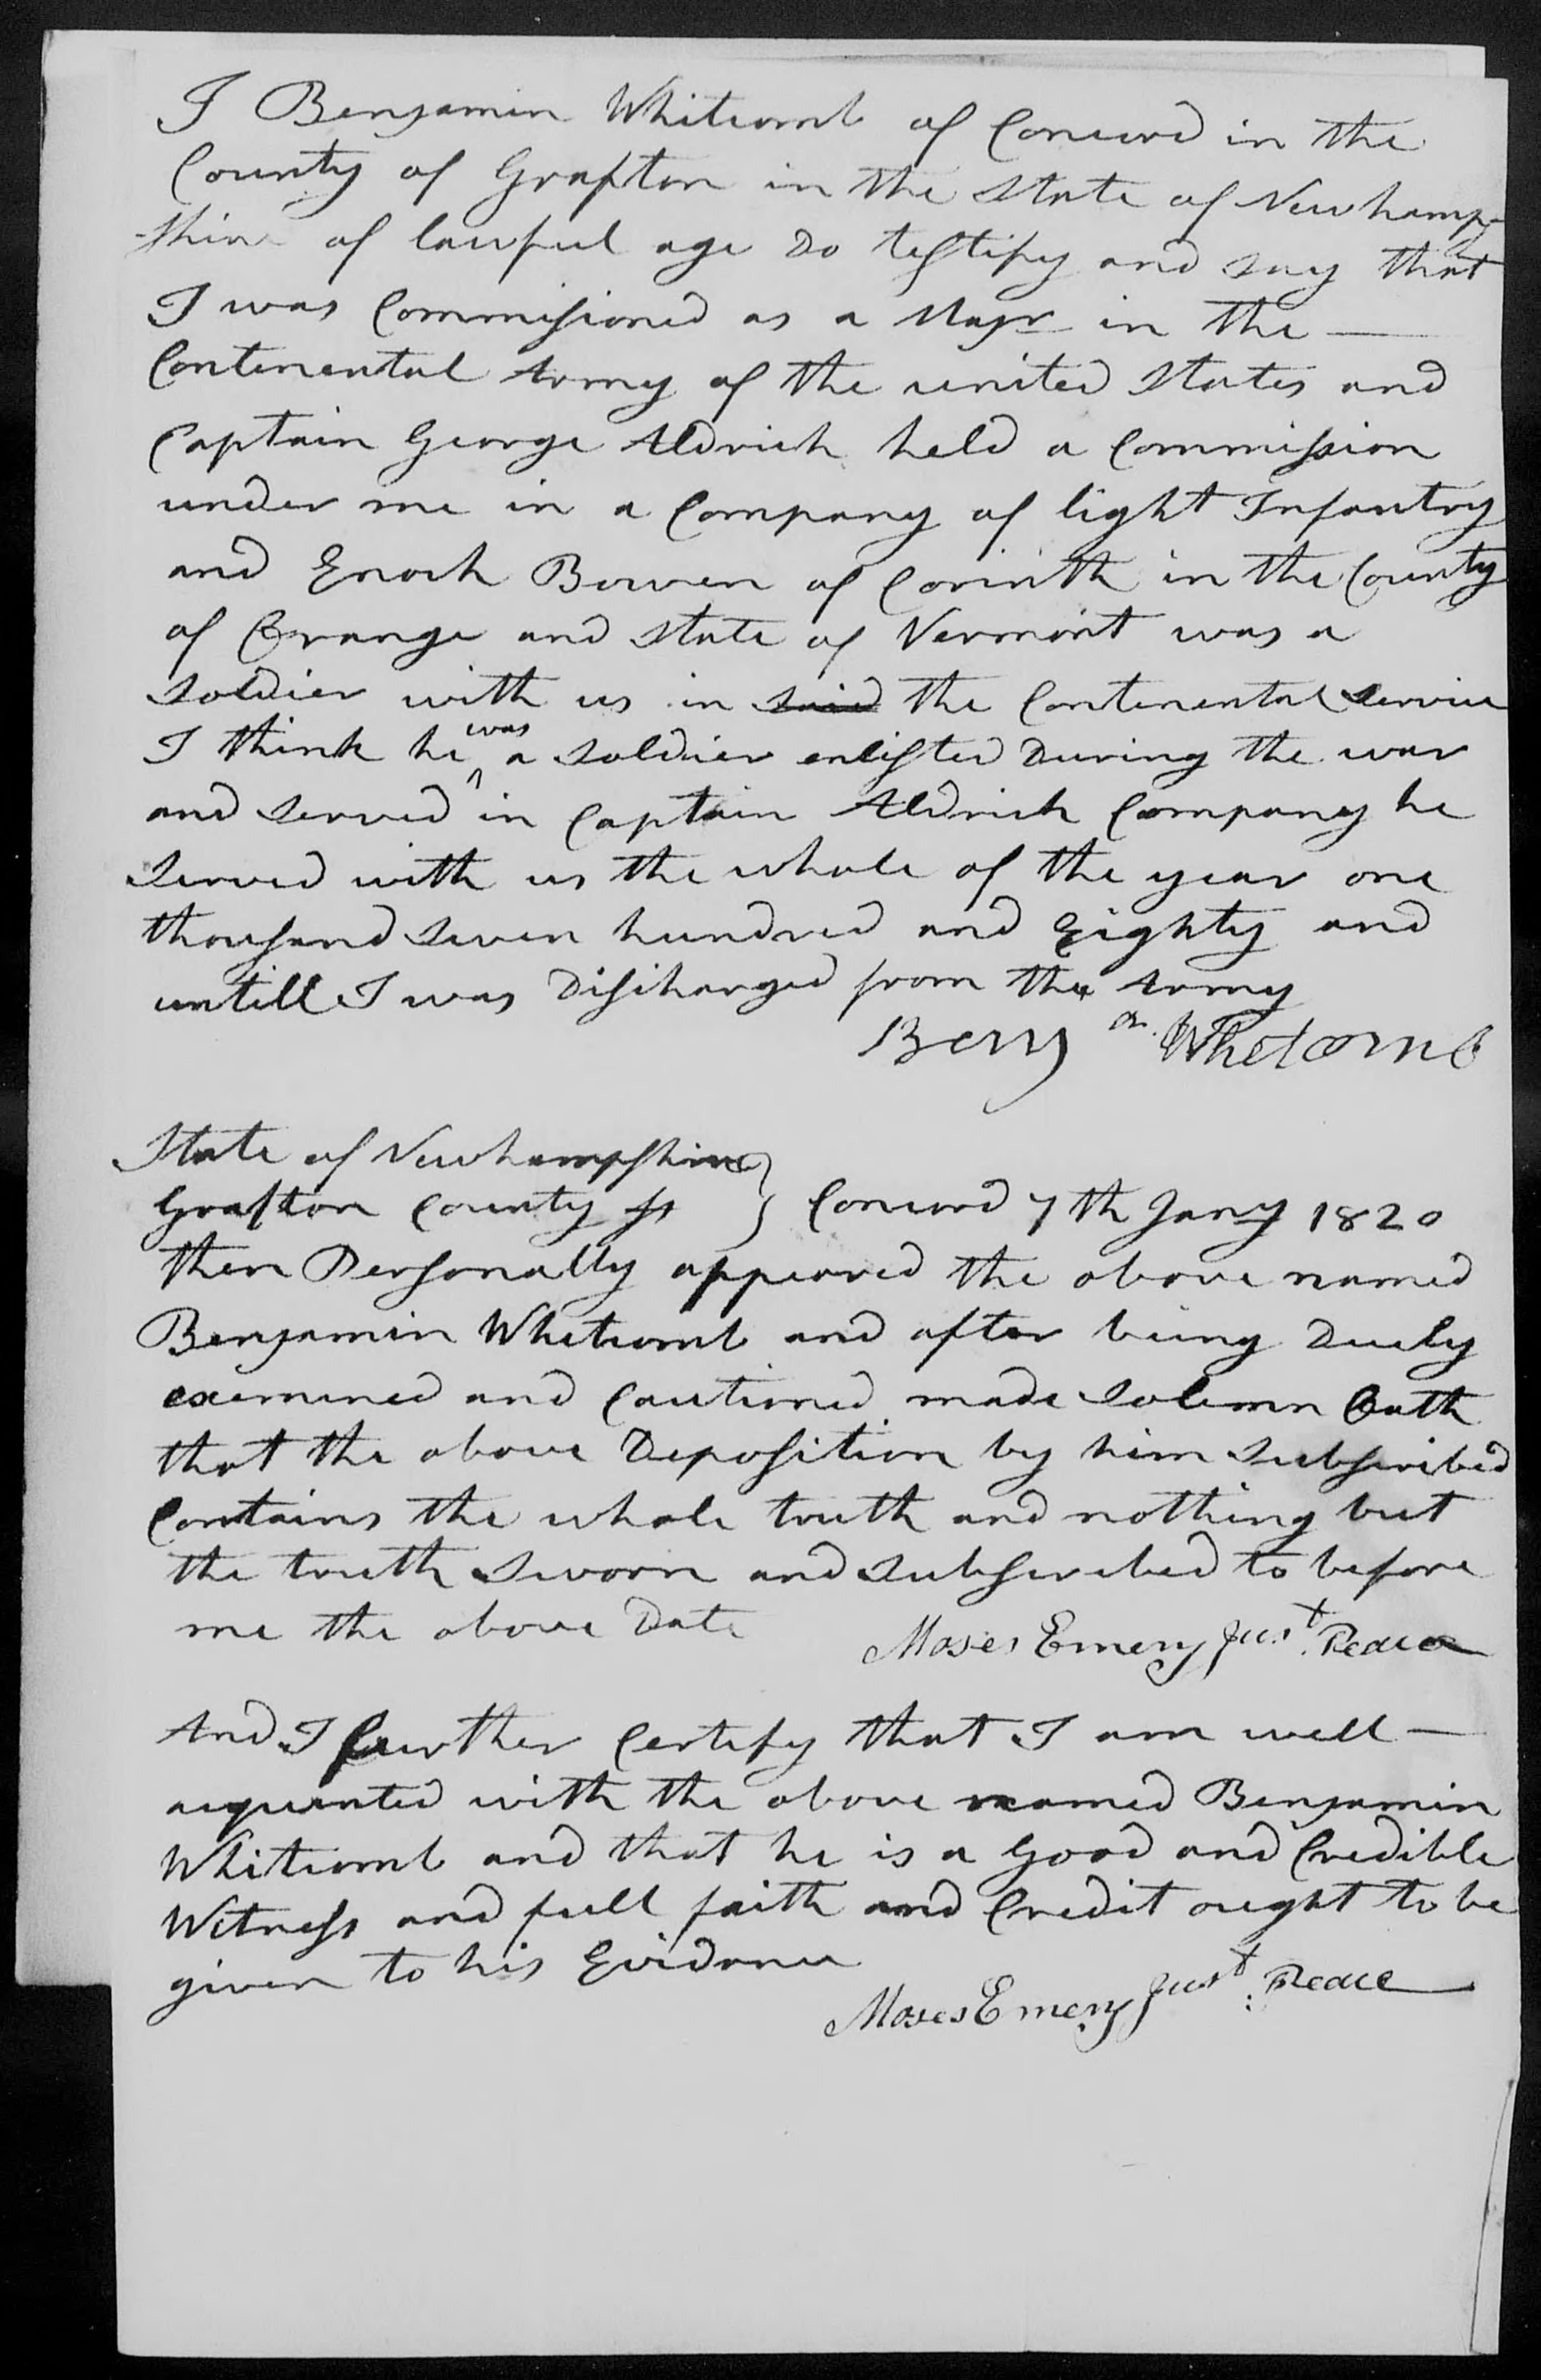I Benjamin Whitcomb of
Concord in the
County of Grafton in the State of Newhampshire
 of lawful age do testify and say that
I was Commissioned as a man in the
Continental Army of the United States and
Captain George Aldrich held a Commission
under me in a company of light Infantry
and Enoch Bowen of Corinth in the County
of Orange and State of Vermont was a
soldier with us in the Continental service
I think he was a soldier enlisted during the war
and served in Captain Aldrich Company he
served with us the whole of the year one
thousand seven hundred and Eighty and
untill I was discharged from the Army
[signature] Benj Whitcomb

State of Newhampshing
Grafton County
Concord 7th Jany 1820
then personally appeared the above named
Benjamin Whitcomb and after being duly
examined and cautioned made Solemn Oath
that the above deposition by him subscribed
contains the whole truth and nothing but
the truth sworn and subscribed to before
me the above date
[signature] Moses Emery Just Peace

And I further certify that I am well acquainted with
the above named Benjamin
Whitcomb and that he is a good and Credible
Witness and full faith and credit ought to be 
given to his evidence
[signature] Moses Emery Just Peace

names: George Aldrich, Benjamin Whitcomb, Benjn Whetcomb, Moses Emery, Moses Emery, Enoch Bowen, Benjamin Whitcomb, Benjamin Whitcomb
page: 10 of 11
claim: survivor's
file: S. 41,453, Enoch Bowen, N.H.